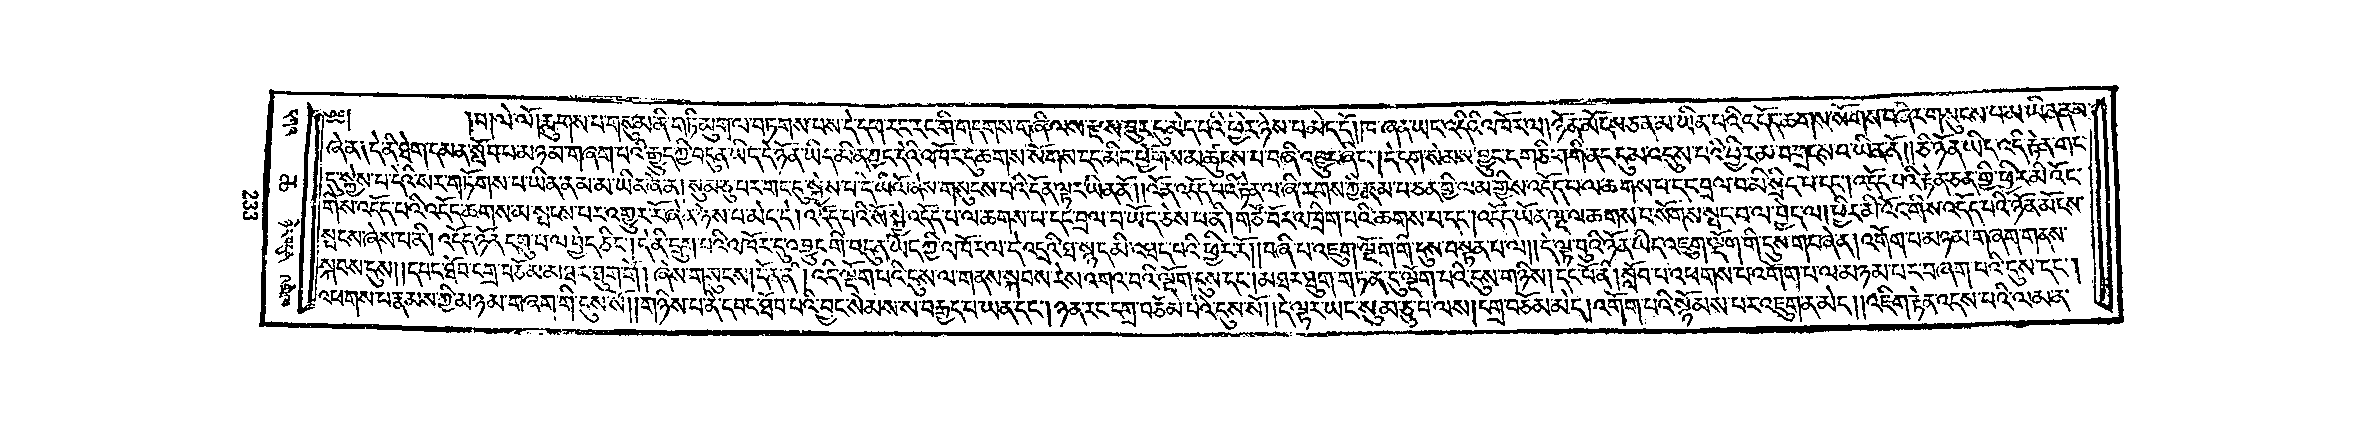༄༅། །པ། ལེ་ལོ། རྨུགས་པ་གསུམ་ནི་གཏི་མུག་ལ་བཏགས་པས་དེ་དག་རང་རང་གི་གདགས་གཞི་ལས་རྫས་ཟུར་དུ་མེད་པའི་ཕྱིར་ཉེས་པ་མེད་དོ། ཁ་ཞན་ཡང་འདིའི་འཁོར་ལ། ཉོན་མོངས་ཅན་མ་ཡིན་པའི་འདོད་ཆགས་སོགས་བཞིར་གསུངས་པ་མ་ཡིན་ནམ་
ཞེ་ན། དེ་ནི་ཐེག་དམན་སློབ་པ་མཉམ་གཞག་པའི་རྒྱུད་ཀྱི་བདུན་ཡིད་དེ་ཉོན་ཡིད་མིན་ཀྱང་དེའི་འཁོར་དུ་ཆགས་སོགས་དང་མིང་ཕྱོགས་མཚུངས་པ་བཞི་འབྱུང་ཞིང་། དེ་དག་སེམས་བྱུང་ང་གཅིག་གི་ནང་དུམ་འདུས་པའི་ཕྱིར་མ་བགྲངས་བ་ཡིན་ནོ། །ཅི་ཉོན་ཡིད་འདི་རྟེན་གང་
དུ་སྐྱེས་པ་དེའི་སར་གཏོགས་པ་ཡིན་ནམ་མ་ཡིན་ཞེ་ན། སུམ་ཅུ་པར་གང་དུ་སྐྱེས་པ་དེ་ཡིའོ་ཞེས་གསུངས་པའི་དོན་ལྟར་ཡིན་ནོ། །འོ་ན་འདོད་པའི་རྟེན་ལ་ཞི་རགས་ཀྱི་རྣམ་པ་ཅན་གྱི་ལམ་གྱིས་འདོད་པ་ལ་ཆགས་པ་དང་བྲལ་བ་མི་སྲིད་པ་དང་། འདོད་པའི་རྟེན་ཅན་གྱི་ཕྱིར་མི་འོང་
གིས་འདོད་པའི་འདོད་ཆགས་མ་སྤངས་པར་འགྱུར་རོ་ཞེན་ཉེས་པ་མེད་དེ། འདོད་པའི་སོ་སྐྱེ་འདོད་པ་ལ་ཆགས་པ་དང་བྲལ་བ་ཡོད་ཅེས་པ་ནི། གཙོ་བོར་འཁྲིག་པའི་ཆགས་པ་དང་། འདོད་ཡོན་ལྔ་ལ་ཆགས་པ་སོགས་སྤང་བ་ལ་བྱེད་ལ། ཕྱིར་མི་འོང་གིས་འདོད་པའི་ཉོན་མོངས་
སྤངས་ཞེས་པ་ནི། འདོད་ཉོན་དགུ་པ་ལ་བྱེད་ཅིང་། དེ་ནི་དྲུག་པའི་འཁོར་དུ་འབྱུང་གི་བདུན་ཡིད་ཀྱི་འཁོར་ལ་དེ་འདྲའི་ཐ་སྙད་མི་འཐད་པའི་ཕྱིར་རོ། །བཞི་པ་འཇུག་ལྡོག་གི་དུས་བསྟན་པ་ལ། །དེ་ལྟ་བུའི་ཉོན་ཡིད་འཇུག་ལྡོག་གི་དུས་གང་ཞེ་ན། འགོག་པ་མཉམ་གཞག་གནས་
སྐབས་དུས། །དཔང་ཐོབ་དགྲ་བཅོམ་མཐར་ཐུག་གོ །ཞེས་གསུངས། དོན་ནི། འདི་ལྡོག་པའི་དུས་ལ་གནས་སྐབས་རེས་འགའ་བའི་ལྡོག་དུས་དང་། མཐར་ཐུག་གཏན་དུ་ལྡོག་པའི་དུས་གཉིས། དང་པོ་ནི། སློབ་པ་འཕགས་པ་འགོག་པ་ལ་མཉམ་པར་བཞག་པའི་དུས་དང་།
འཕགས་པ་རྣམས་ཀྱི་མཉམ་གཞག་གི་དུས་སོ། །གཉིས་པ་ནི་དབང་ཐོབ་པའི་བྱང་སེམས་ས་བརྒྱད་པ་ཡན་དང་། ཉན་རང་དགྲ་བཅོམ་པའི་དུས་སོ། །དེ་ལྟར་ཡང་སུམ་ཅུ་པ་ལས། དགྲ་བཅོམ་མེད། འགོག་པའི་སྙོམས་པར་འཇུག་ན་མེད། །འཇིག་རྟེན་འདས་པའི་ལམ་ན་